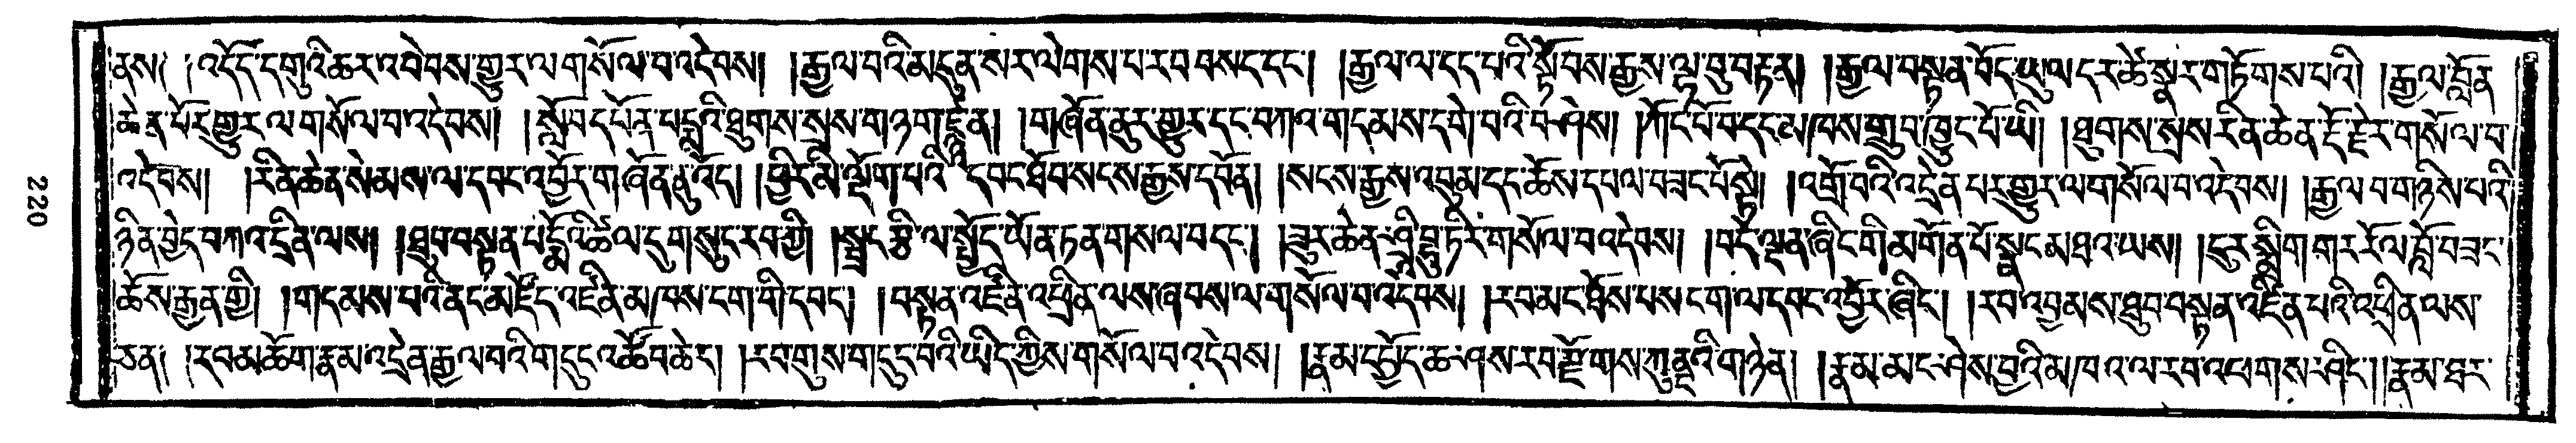ནས༑ ༑འདོད་དགུའི་ཆར་འབེབས་གྱུར་ལ་གསོལ་བ་འདེབས། །རྒྱལ་བའི་མདུན་སར་ལེགས་པ་རབ་བསང་དང་། །རྒྱལ་ལ་དད་པའི་སྟོབས་རྒྱས་ལྟ་བུ་བརྟན། །རྒྱལ་བསྟན་བོད་ཡུལ་དར་ཚེ་སྣར་གཏོགས་པའི། །རྒྱལ་བློན་
ཆེན་པོར་གྱུར་ལ་གསོལ་བ་འདེབས། །སློབ་དཔོན་པདམའི་ཐུགས་སྲས་གཉག་ཛྙཱ་ན། །གཞོན་ནུར་གྱུར་དང་བཀའ་གདམས་དགེ་བའི་བཤེས། །ཀོང་པོ་བ་དང་མཁས་གྲུབ་ཁྱུང་པོ་ཡི། །ཐུགས་སྲས་རིན་ཆེན་རྡོ་རྗེར་གསོལ་བ་
འདེབས། །རིན་ཆེན་སེམས་ལ་དབང་འབྱོར་གཞོན་ནུ་འོད། །ཕྱིར་མི་ལྡོག་པའི་དབང་ཐོབ་སངས་རྒྱས་དབོན། །སངས་རྒྱས་འབུམ་དང་ཆོས་དཔལ་བཟང་པོ་སྟེ། །འགྲོ་བའི་འདྲེན་པར་གྱུར་ལ་གསོལ་བ་འདེབས། །རྒྱལ་བ་གཉིས་པའི་
ཉིན་བྱེད་བཀའ་དྲིན་ལས། །ཐུབ་བསྟན་པདམོའི་ཚལ་དུ་གསུང་རབ་ཀྱི། །སྦྲང་རྩི་ལ་སྤྱོད་ཡོན་ཏན་གསལ་བ་དང་། །ཟུར་ཆེན་ཤྲཱི་བྷུ་ཏིར་གསོལ་བ་འདེབས། །བདེ་ལྡན་ཞིང་གི་མགོན་པོ་སྣང་མཐའ་ཡས། །དུར་སྨྲིག་གར་རོལ་བློ་བཟང་
ཆོས་རྒྱན་གྱི། །གདམས་པའི་ནང་མཛོད་འཛིན་མཁས་ངག་གི་དབང་། །བསྟན་འཛིན་འཕྲིན་ལས་ཞབས་ལ་གསོལ་བ་འདེབས། །རབ་མང་ཐོས་པས་ངག་ལ་དབང་འབྱོར་ཞིང་། །རབ་འབྱམས་ཐུབ་བསྟན་འཛིན་པའི་འཕྲིན་ལས་
ཅན༑ ༑རབ་མཆོག་རྣམ་འདྲེན་རྒྱལ་བའི་གདུང་འཚོབ་ཆེར། །རབ་གུས་གདུང་བའི་ཡིད་ཀྱིས་གསོལ་བ་འདེབས། །རྣམ་དཔྱོད་ཆ་ཤས་རབ་རྫོགས་ཀུནྡའི་གཉེན། །རྣམ་མང་ཤེས་བྱའི་མཁའ་ལ་རབ་འཕགས་ཤིང་། །རྣམ་ཐར་